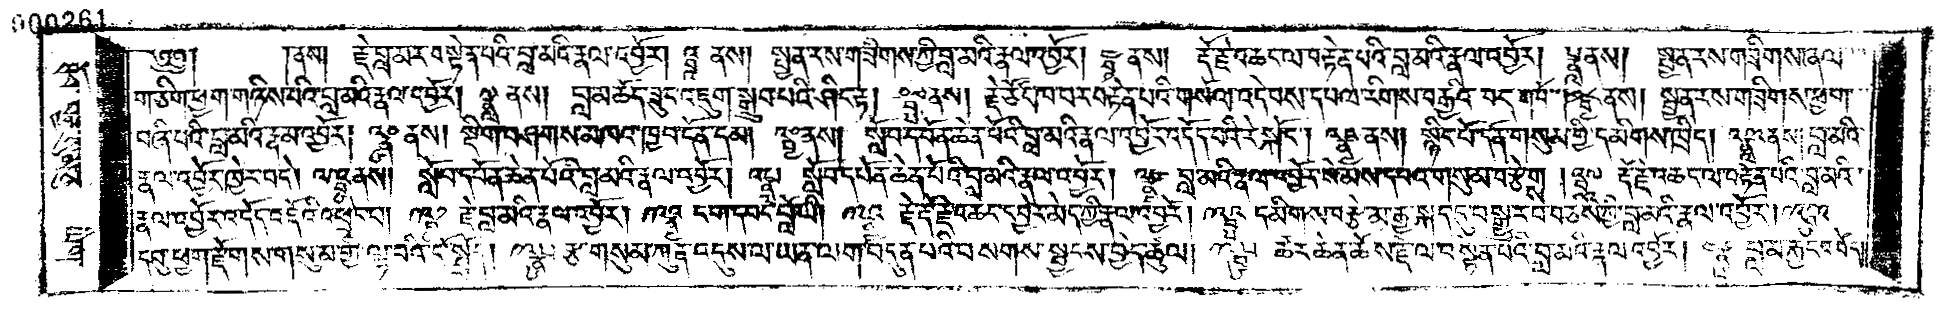༄༅། །ནས། རྗེ་བླ་མར་བསྟེན་པའི་བླ་མའི་རྣལ་འབྱོར། ༢བ༢་ནས། སྤྱན་རས་གཟིགས་ཀྱི་བླ་མའི་རྣལ་འབྱོར། ༤བ༡་ནས། རྡོ་རྗེ་འཆང་ལ་བརྟེན་པའི་བླ་མའི་རྣལ་འབྱོར། ༥ན༢་ནས། སྤྱན་རས་གཟིགས་ནལ་
གཅིག་ཕྱག་གཉིས་པའི་བླ་མའི་རྣལ་འབྱོར། ༧ན༢་ནས། བླ་མཆོད་ཟུང་འཇུག་སྒྲུབ་པའི་ཤིང་རྟ། ༡༧བ༥་ནས། རྗེ་ཙོང་ཁ་བར་བརྟེན་པའི་གསོལ་འདེབས་དཔལ་རིགས་བརྒྱའི་བདག་པོ། ༡༨བ༤་ནས། སྤྱན་རས་གཟིགས་ཕྱག་
བཞི་པའི་བླ་མའི་རྣམ་འབྱོར། ༢༠ན༦་ནས། སྡིག་བཤགས་མཁའ་ཁྱབ་དོན་དམ། ༢༠བ༤་ནས། སློབ་དཔོན་ཆེན་པོའི་བླ་མའི་རྣལ་འབྱོར་འདོད་པའི་རེ་སྐོང་། ༢༢ན༤་ནས། སྙིང་པོ་དོན་གསུམ་གྱི་དམིགས་ཁྲིད། ༢༣ན༢་ནས། བླ་མའི་
རྣལ་འབྱོར་ཁྱེར་བདེ། ༢༣བ༦་ནས། སློབ་དཔོན་ཆེན་པོའི་བླ་མའི་རྣལ་འབྱོར། ༢༥ན༢། སློབ་དཔོན་ཆེན་པོའི་བླ་མའི་རྣལ་འབྱོར། ༢༦ན༤་བླ་མའི་རྣལ་འབྱོར་སེམས་དཔའ་གསུམ་བརྩེགས། །༢༧བ༣་རྡོ་རྗེ་འཆང་ལ་བརྟེན་པའི་བླ་མའི་
རྣལ་འབྱོར་འདོད་འཇོའི་འཕྲེང་བ། ༣༡བ༦་རྗེ་བླ་མའི་རྣལ་འབྱོར། ༣༢ན༤་ངག་དབང་བློ་ཡི། ༣༢ན༤་རྗེ་རྡོ་རྗེ་འཆང་དབྱེར་མེད་ཀྱི་རྣལ་འབྱོར། ༣༢བ༥་དམིགས་བརྩེ་མ་རྒྱ་སྐད་དུ་བསྒྱུར་བ་བཅས་ཀྱི་བླ་མའི་རྣལ་འབྱོར། ༣༣བ༦
དབུ་ཕྱག་རྫོགས་གསུམ་གྱི་ལྟ་བའི་ངོ་སྤྲོད། ༣༥ན༦་རྩ་གསུམ་ཀུན་འདུས་ལ་ཡན་ལག་བདུན་པའི་བསགས་སྦྱངས་བྱེད་ཚུལ། ༣༥བ༦་ཚར་ཆེན་ཆོས་རྗེ་ལ་བསྟེན་པའི་བླ་མའི་རྣལ་འབྱོར། ༤༠ན༥་བླ་མ་རྐྱང་འབོད།